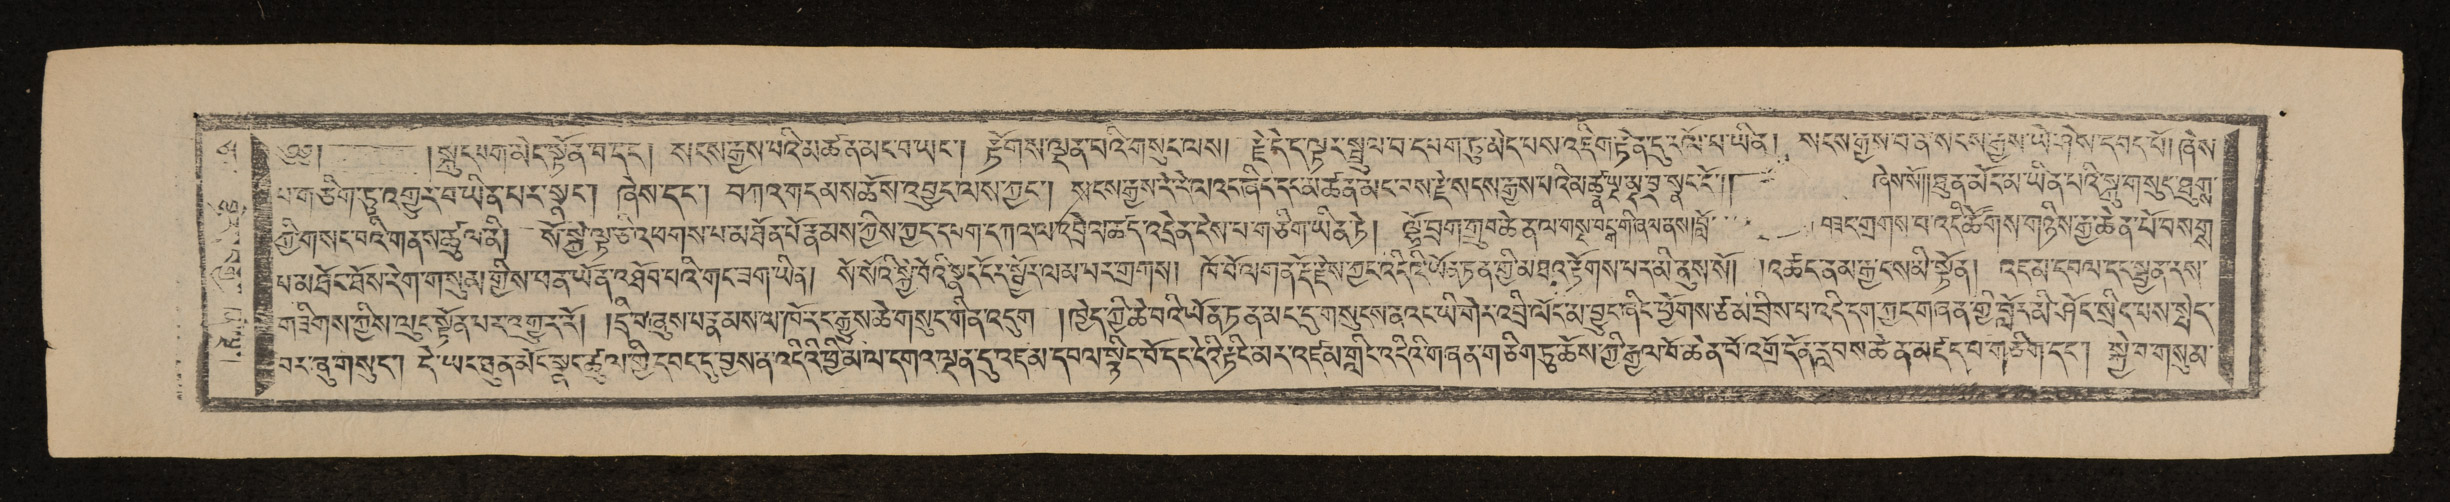༄༅། །སྐུ་དཔག་མེད་སྟོན་པ་དང་། སངས་རྒྱས་པའི་མཚན་མང་བ་ཡང་། རྟོགས་ལྡན་པའི་གསུང་ལས། རྗེ་དེ་ད་ལྟར་སྤྲུལ་པ་དཔག་ཏུ་མེད་པས་འཇིག་རྟེན་དུ་རོལ་པ་ཡིན། སངས་རྒྱས་པ་ན་སངས་རྒྱས་ཡེ་ཤེས་དབང་པོ། ཞེས་
པ་གཅིག་ཏུ་འགྱུར་བ་ཡིན་པར་སྣང་། ཞེས་དང་། བཀའ་གདམས་ཆོས་འབྱུང་ལས་ཀྱང་། སངས་རྒྱས་རེ་རེ་ལའང་ཞིང་དང་མཚན་མང་བས་རྗེ་སངས་རྒྱས་པའི་མཚན་ཡང་མང་བར་སྣང་ངོ། །ཞེས་སོ། །ཐུན་མོང་མ་ཡིན་པའི་སྐུ་གསུང་ཐུགས་
ཀྱི་གསང་བའི་གནས་ཚུལ་ནི། སོ་སྐྱེ་ལྟ་ཅི་འཕགས་པ་མཐོན་པོ་རྣམས་ཀྱིས་ཀྱང་དཔག་དཀའ་ལ་འབྲེལ་ཚད་འདྲེན་ངེས་པ་གཅིག་ཡིན་ཏེ། ལྷོ་བྲག་གྲུབ་ཆེན་ལ་གསང་བདག་གི་ཞལ་ནས། བློ་བཟང་གྲགས་པ་འདི་ཚོགས་གཉིས་རྒྱ་ཆེན་པོ་བསགས་
པ་མཐོང་ཐོས་རེག་གསུམ་གྱིས་ཕན་ཡོན་འཐོབ་པའི་གང་ཟག་ཡིན། སོ་སོའི་སྐྱེ་བོའི་སྣང་ངོར་སྦྱོར་ལམ་པར་གྲགས། ཁོ་བོ་ལག་ན་རྡོ་རྗེས་ཀྱང་འདིའི་ཡོན་ཏན་གྱི་མཐའ་རྟོགས་པར་མི་ནུས་སོ། །འཚང་རྣམ་རྒྱ་ངས་མི་སྟོན། འཇམ་དཔལ་དང་སྤྱན་རས་
གཟིགས་ཀྱིས་ལུང་སྟོན་པར་འགྱུར་རོ། །དྲི་བ་ཞུས་པ་རྣམས་ལ་ཁོ་རང་རྒྱུས་ཆེ་གསུང་གིན་འདུག །ཁྱེད་ཀྱི་ཆེ་བའི་ཡོན་ཏན་མང་དུ་གསུངས་ནའང་ཡི་གེར་འབྲི་ལོང་མ་བྱུང་ཞིང་ཕྱོགས་ཙམ་བྲིས་པ་འདི་དག་ཀྱང་གཞན་གྱི་བློར་མི་ཤོང་སྲིད་པས་སྦེད་
པར་ཞུ་གསུང་། དེ་ཡང་ཐུན་མོང་སྣང་ཚུལ་གྱི་དབང་དུ་བྱས་ན་འདིའི་ཕྱི་མ་ལ་དགའ་ལྡན་དུ་འཇམ་དཔལ་སྙིང་པོ་དང་དེའི་རྟིང་མར་འཛམ་གླིང་འདིའི་གཞན་གཅིག་ཏུ་ཆོས་ཀྱི་རྒྱལ་པོ་ཆེན་པོ་འགྲོ་དོན་རླབས་ཆེན་མཛད་པ་གཅིག་དང་། སྐྱེ་བ་གསུམ་